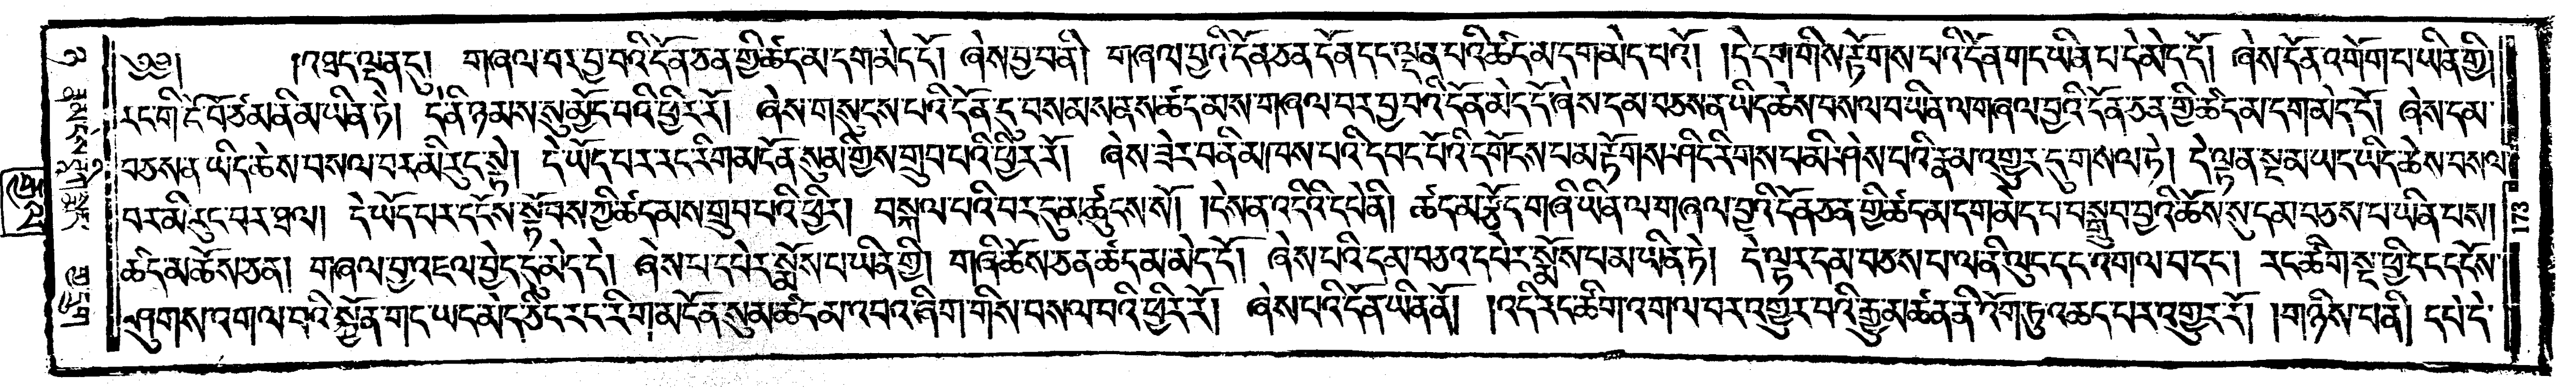༄༅། །འཐད་ལྡན་དུ། གཞལ་བར་བྱ་བའི་དོན་ཅན་གྱི་ཚད་མ་དག་མེད་དོ། ཞེས་བྱ་བ་ནི། གཞལ་བྱའི་དོན་ཅན་དོན་དང་ལྡན་པའི་ཚད་མ་དག་མེད་པའོ། །དེ་དག་གིས་རྟོགས་པའི་དོན་གང་ཡིན་པ་དེ་མེད་དོ། ཞེས་དོན་འགོག་པ་ཡིན་གྱི།
རང་གི་ངོ་བོ་ཙམ་ནི་མ་ཡིན་ཏེ། དེ་ནི་ཉམས་སུ་མྱོང་བའི་ཕྱིར་རོ། ཞེས་གསུངས་པའི་དོན་དུ་བསམས་ནས་ཚད་མས་གཞལ་བར་བྱ་བའི་དོན་མེད་དོ་ཞེས་དམ་བཅས་ན་ཡིད་ཆེས་བསལ་བ་ཡིན་ལ་གཞལ་བྱའི་དོན་ཅན་གྱི་ཚད་མ་དག་མེད་དོ། ཞེས་དམ་
བཅས་ན་ཡིད་ཆེས་བསལ་བར་མི་རུང་སྟེ། དེ་ཡོད་པར་རང་རིག་མངོན་སུམ་གྱིས་གྲུབ་པའི་ཕྱིར་རོ། ཞེས་ཟེར་བ་ནི་མཁས་པའི་དབང་པོའི་དགོངས་པ་མ་རྟོགས་ཤིང་རིགས་པ་མི་ཤེས་པའི་རྣམ་འགྱུར་དུ་གསལ་ཏེ། དེ་ལྟ་ན་སྔ་མ་ཡང་ཡིད་ཆེས་བསལ་
བར་མི་རུང་བར་ཐལ། དེ་ཡོད་པར་དངོས་སྟོབས་ཀྱི་ཚད་མས་གྲུབ་པའི་ཕྱིར། བསྐལ་བའི་བར་དུ་མཚུངས་སོ། །དེས་ན་འདིའི་དཔེ་ནི། ཚད་མ་རྩོད་གཞི་ཡིན་ལ་གཞལ་བྱའི་དོན་ཅན་གྱི་ཚད་མ་དག་མེད་པ་བསྒྲུབ་བྱའི་ཆོས་སུ་དམ་བཅས་པ་ཡིན་པས།
ཚད་མཆོས་ཅན། གཞལ་བྱ་འཇལ་བྱེད་དུ་མེད་དེ། ཞེས་པ་དཔེར་སྨོས་པ་ཡིན་གྱི། གཞི་ཆོས་ཅན་ཚད་མ་མེད་དོ། ཞེས་པའི་དམ་བཅའ་དཔེར་སྨོས་པ་མ་ཡིན་ཏེ། དེ་ལྟར་དམ་བཅས་པ་ལ་ནི་ལུང་དང་འགལ་བ་དང་། རང་ཚིག་སྔ་ཕྱི་དང་དངོས་
ཤུགས་འགལ་བའི་སྐྱོན་གང་ཡང་མེད་ཅིང་རང་རིག་མངོན་སུམ་ཚད་མ་འབའ་ཞིག་གིས་བསལ་བའི་ཕྱིར་རོ། ཞེས་པའི་དོན་ཡིན་ནོ། །འདི་རང་ཚིག་འགལ་བར་འགྱུར་བའི་རྒྱུ་མཚན་ནི་འོག་ཏུ་འཆད་པར་འགྱུར་རོ། །གཉིས་པ་ནི། དཔེ་དེ་